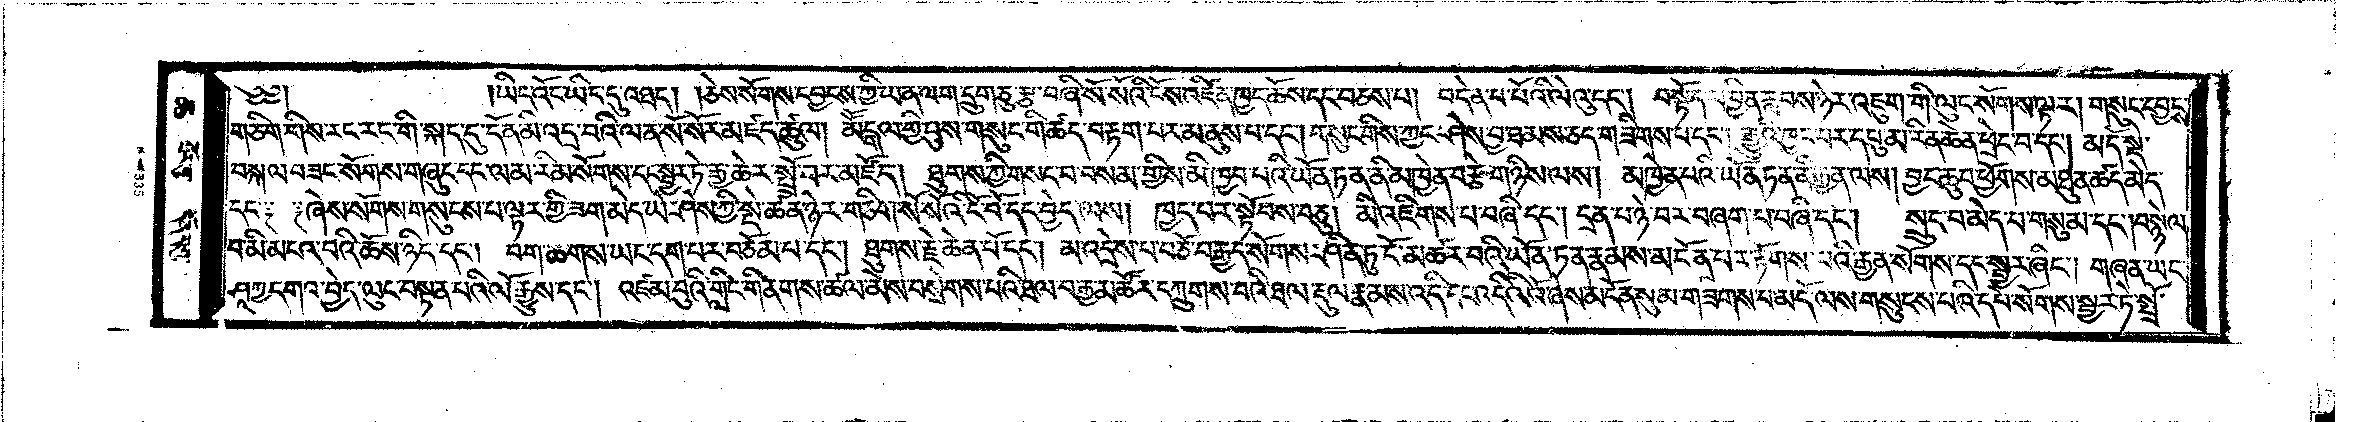༄༅། །ཡིད་འོང་ཡིད་དུ་འཐད། །ཅེས་སོགས་དབྱངས་ཀྱི་ཡན་ལག་དྲུག་ཅུ་ཙ་བཞི་སོ་སོའི་ངོས་འཛིན་ཁྱད་ཆོས་དང་བཅས་པ། བདེན་པ་པོའི་ལེའུ་དང་། བསྟོད་པ་བྱིན་རླབས་ཉེར་འཇུག་གི་ལུང་སོགས་ལྟར། གསུང་དབྱངས་
གཅིག་གིས་རང་རང་གི་སྐད་དུ་དོན་མི་འདྲ་པའི་ལན་སོ་སོར་མཛད་ཚུལ། མཽངྒལ་གྱི་བུས་གསུང་གི་ཚད་བརྟག་པར་མ་ནུས་པ་དང་། གསུང་གིས་ཀྱང་ཤེས་བྱ་ཐམས་ཅད་གཟིགས་པ་དང་། རྒྱུའི་ཁྱད་པར་དཔུམ་རིན་ཆེན་ཕྲེང་བ་དང་། མདོ་སྡེ་
བསྐལ་བཟང་སོགས་གཞུང་དང་ལམ་རིམ་སོགས་དང་སྦྱར་ཏེ་རྒྱ་ཆེར་སྤྲོ་བར་མཛོད། ཐུགས་ཀྱི་གསང་བ་བསམ་གྱིས་མི་ཁྱབ་པའི་ཡོན་ཏན་ནི་མཁྱེན་བརྩེ་གཉིས་ལས། མཁྱེན་པའི་ཡོན་ཏན་ནི་རྒྱན་ལས། བྱང་ཆུབ་ཕྱོགས་མཐུན་ཚད་མེད་
དང༑ ༑ཞེས་སོགས་གསུངས་པ་ལྟར་གྱི་ཟག་མེད་ཡེ་ཤེས་ཀྱི་སྡེ་ཚན་ཉེར་གཅིག་སོ་སོའི་ངོ་བོ་དང་བྱེད་ལས། ཁྱད་པར་སྟོབས་བཅུ། མི་འཇིགས་པ་བཞི་དང་། དྲན་པ་ཉེ་བར་བཞག་པ་བཞི་དང་། སྲུང་བ་མེད་པ་གསུམ་དང་།བསྙེལ་
བ་མི་མངའ་བའི་ཆོས་ཉིད་དང་། བག་ཆགས་ཡང་དག་པར་བཅོམ་པ་དང་། ཐུགས་རྗེ་ཆེན་པོ་དང་། མ་འདྲེས་པ་བཅོ་བརྒྱད་སོགས་ཤིན་ཏུ་ངོ་མཚར་བའི་ཡོན་ཏན་རྣམས་མངོན་པར་རྟོགས་པའི་རྒྱན་སོགས་དང་སྦྱར་ཞིང་། གཞན་ཡང་
ཤཱཀྱ་དགའ་བྱེད་ལུང་བསྟན་པའི་ལོ་རྒྱུས་དང་། འཛམ་བུའི་གླིང་གི་ནགས་ཚལ་མེས་བསྲེགས་པའི་ཐལ་བ་རྒྱ་མཚོར་དཀྲུགས་བའི་ཐལ་རྡུལ་རྣམས་འདི་དང་འདིའིའོ་ཞེས་མདོ་སུམ་གཟིགས་པ་མདོ་ལས་གསུངས་པའི་དཔེ་སོགས་སྦྱར་ཏེ་སྤྲོ་